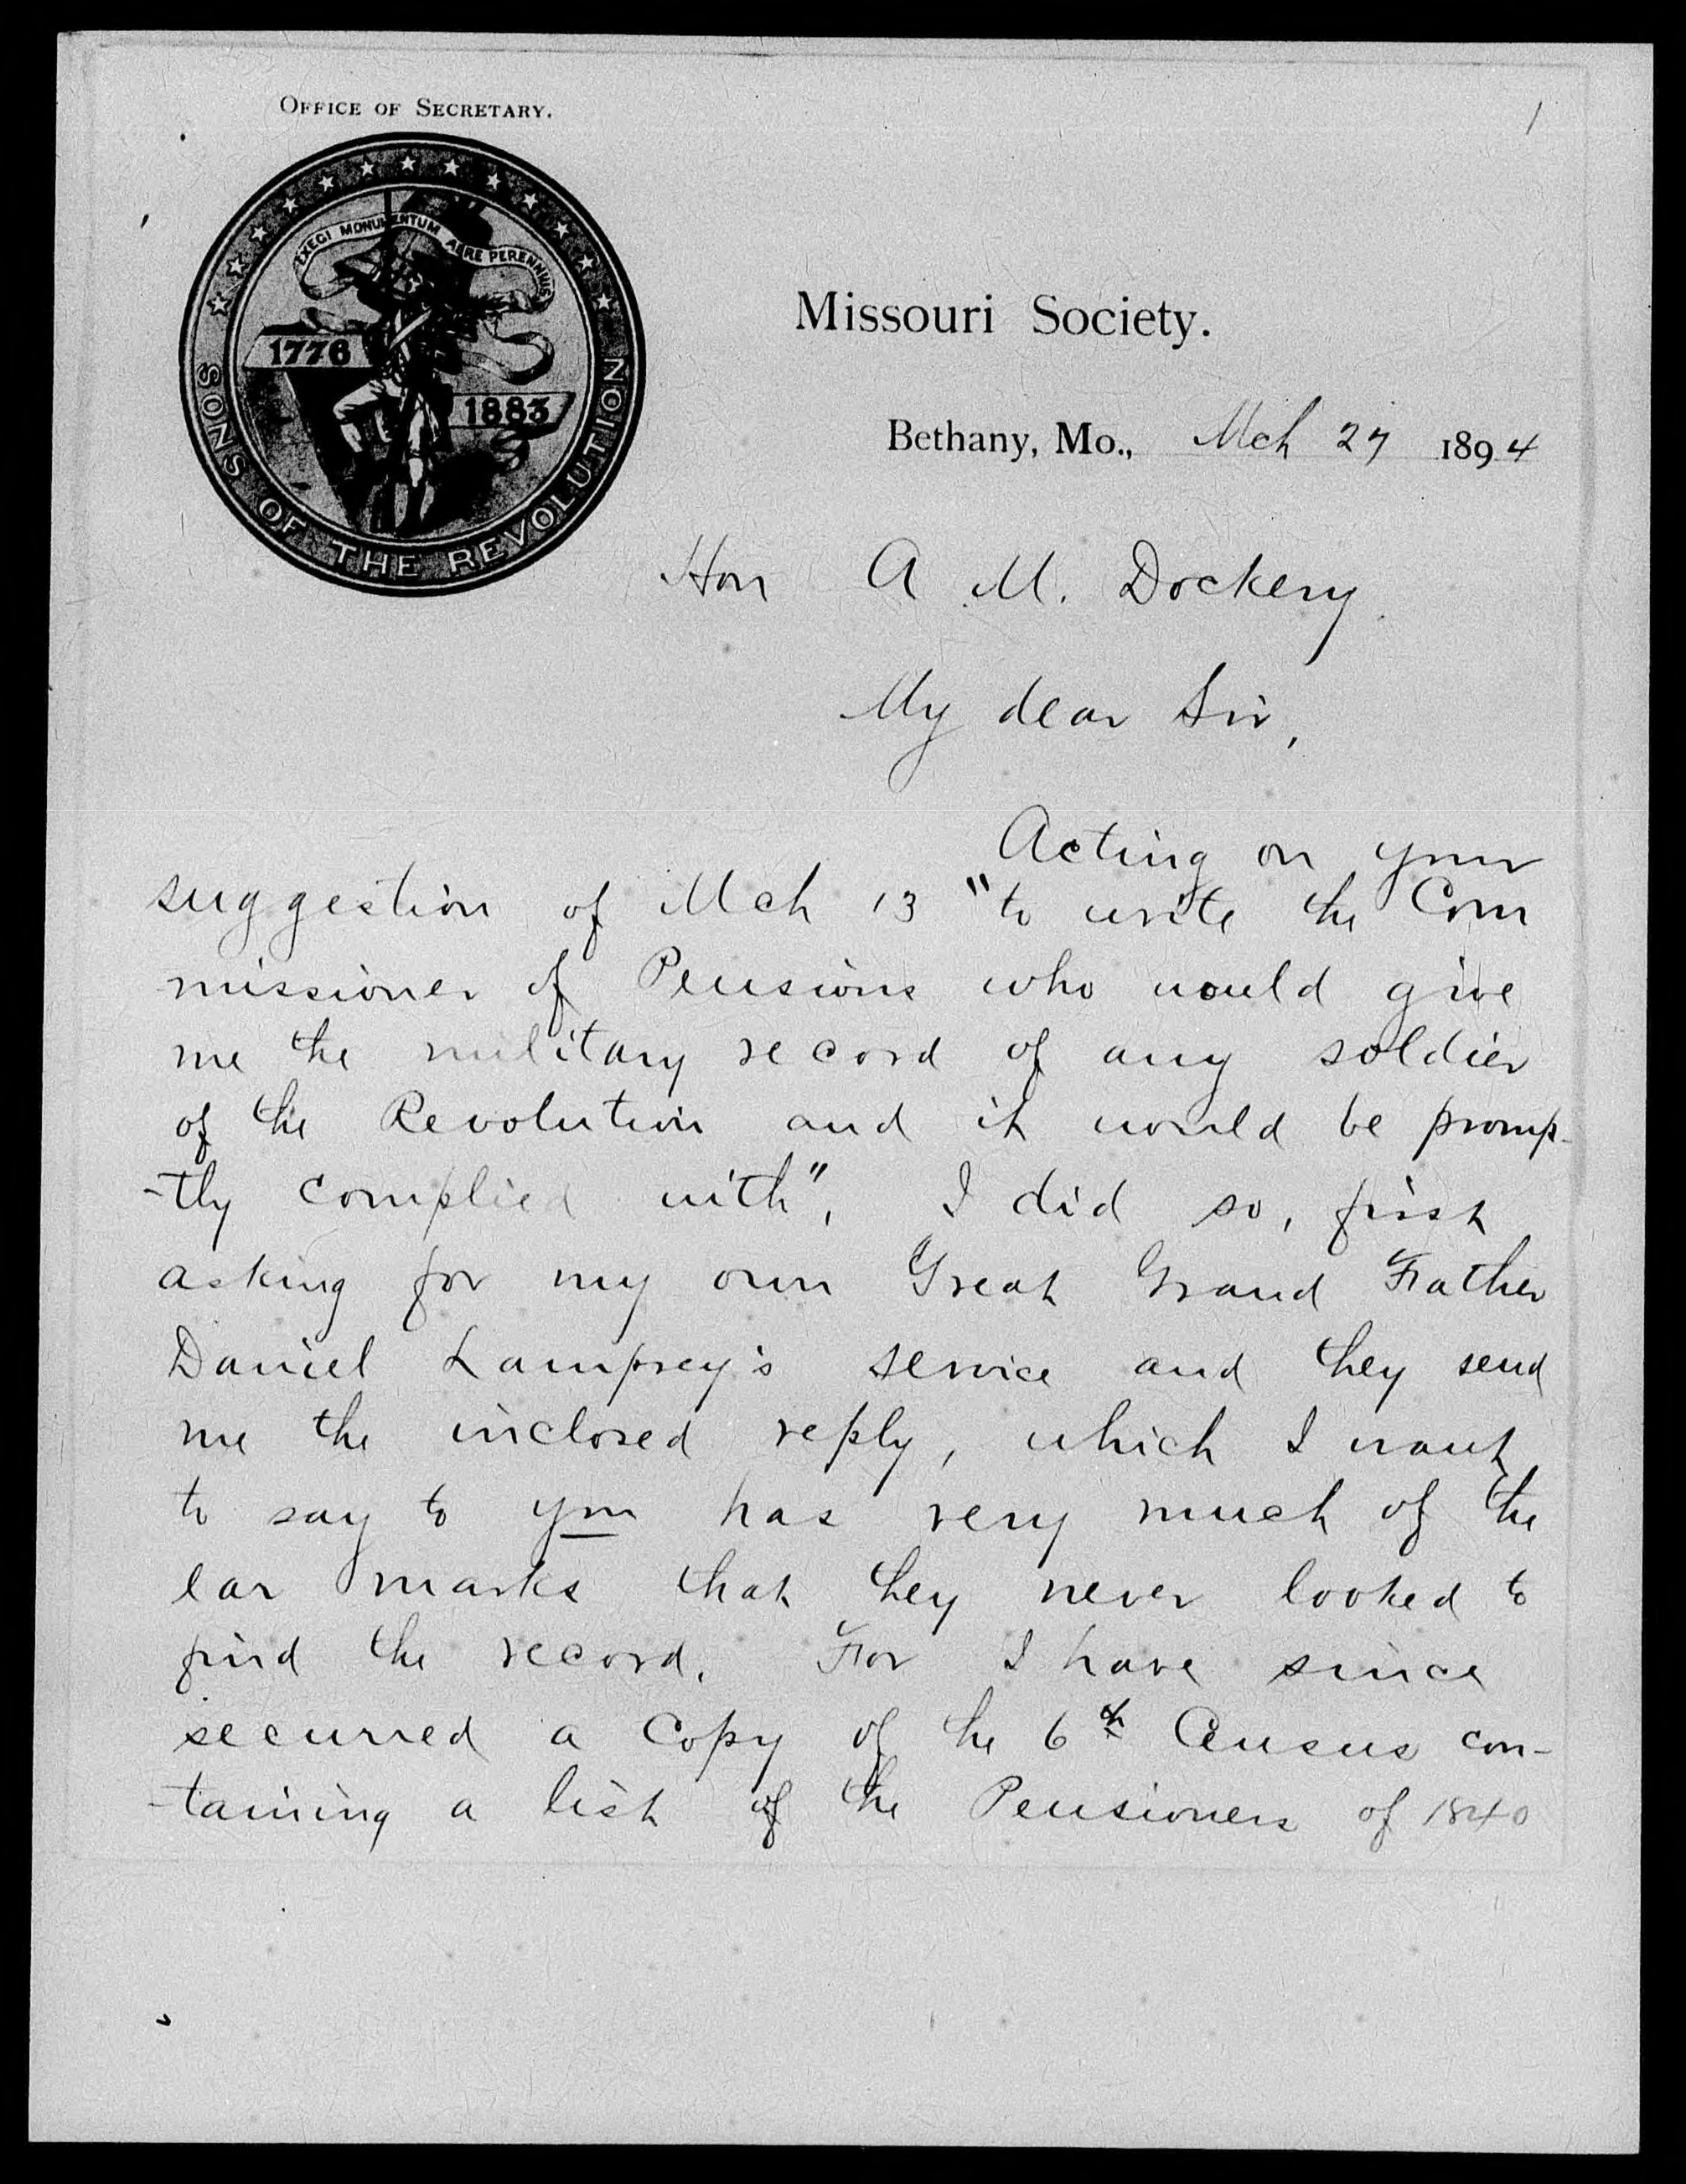Office of Secretary
[seal] SONS OF THE REVOLUTION 1776 1883

Missouri Society. Bethany, Mo., Mch [MARCH] 27 1894
Hon [HONORABLE] A. M. Dockery
My dear Sir,
Acting on your suggestion of Mch 13 "to write the Commissioner of Pensions who would give me the military record of any soldier of the Revolution and it would be promptly complied with, " I did so, first asking for my own Great Grand Father Daniel Lamprey's service and they sent me the inclosed [ENCLOSED] reply, which  I want to say to you has very much of the ear marks that they never looked to find the record.  For I have since secured a copy of the 6th Census containing a list of the Pensioners of 1840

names: A M Dockery; Daniel Lamprey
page: 30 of 53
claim: widow's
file: W. 492, for Daniel Lamprey, New Hampshire